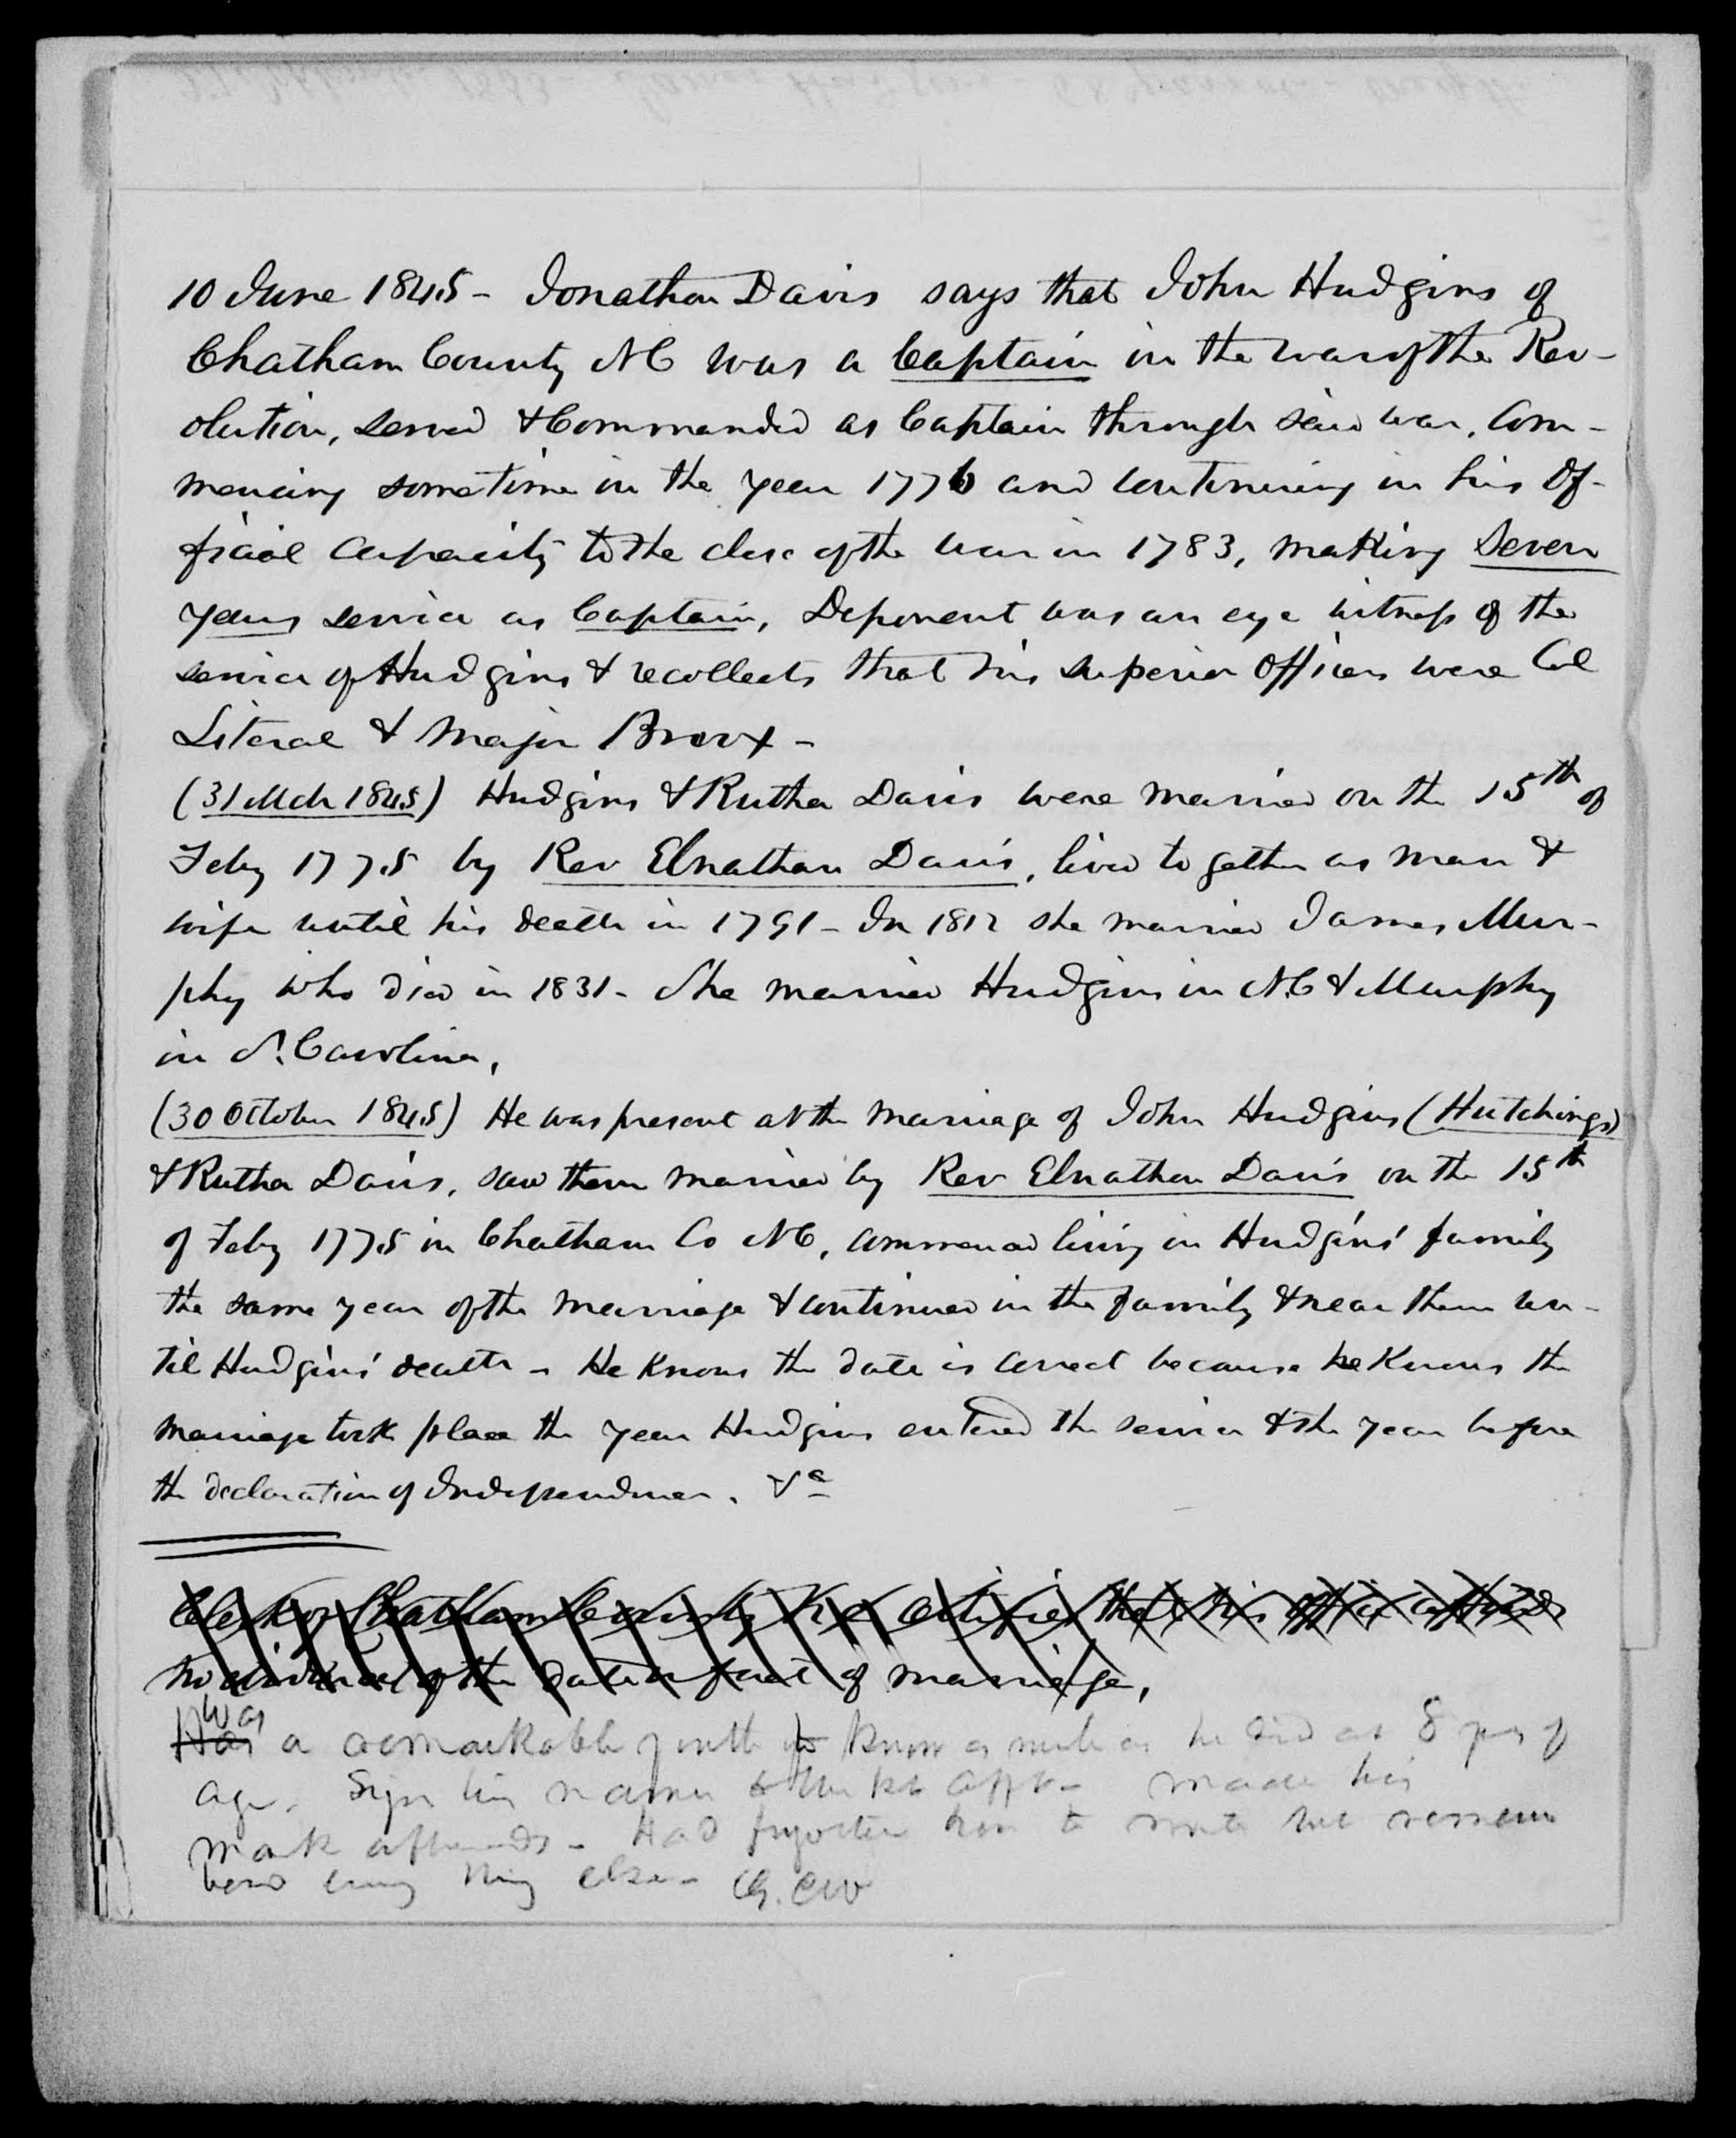10 June 1845 Johnathan Davis says that John Hudgins of Chatham County NC was a Captain (underlined) in the war of the Revolution said war, commencing sometime in the year 1776 and continuing in his official capacity to the end of the war in 1783, making seven (underlined) years (underlined service as Captain (underlined)Deponent was an eye witness of the service of Hudgins and recollects that his superior officers were Col Literal & Major Bronx.
(31 March 1845) underlined Hudgins & Rutha Davis were married on the 15th February 1775 by Rev Elnathan Davis (underlined) lived together as man and wife until his death in 1791 - In 1812 she married James Murphy who died in 1831. She married Hudgins in SC and Murphy in N Carolina.
(30 October 1845) and underlined, He was present at the marriage of John Hudgins (Hutchings) and Rutha Davis, knew they married by Rev Elnathan Davis (underlined)on the 15th of July 1775 in Chatham County, commenced living in Hudgins family the same year of the marriage & continued in the family & near til Hudgins death - He knows the date is correct because he knows the marriage took place the year Hudgins entered the service and the year before the Declaration of Independence. (Initials not legible Looks like JC)
Two horizontal lines then the next two sentences were completely X’d out but the next several must have been added later due to very light and faded plus many of the words are shortened to abbreviations so I will write what I see but will not make much sense I am afraid)
“Was a remarkable gent to know a number (too light) 8 pgs. Syn his name 6 weeks appt made his mark (too faint) had fryortie him to make (not legible) membered bring (not legible) else
initials ThCW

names: Rutha Davis, Elnathan Davis, James Murphy, John Hutchings, Jonathan Davis, Literal, Broox, John Hudgins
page: 53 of 108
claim: rejected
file: R. 7,515, John Hudgins, N.C.